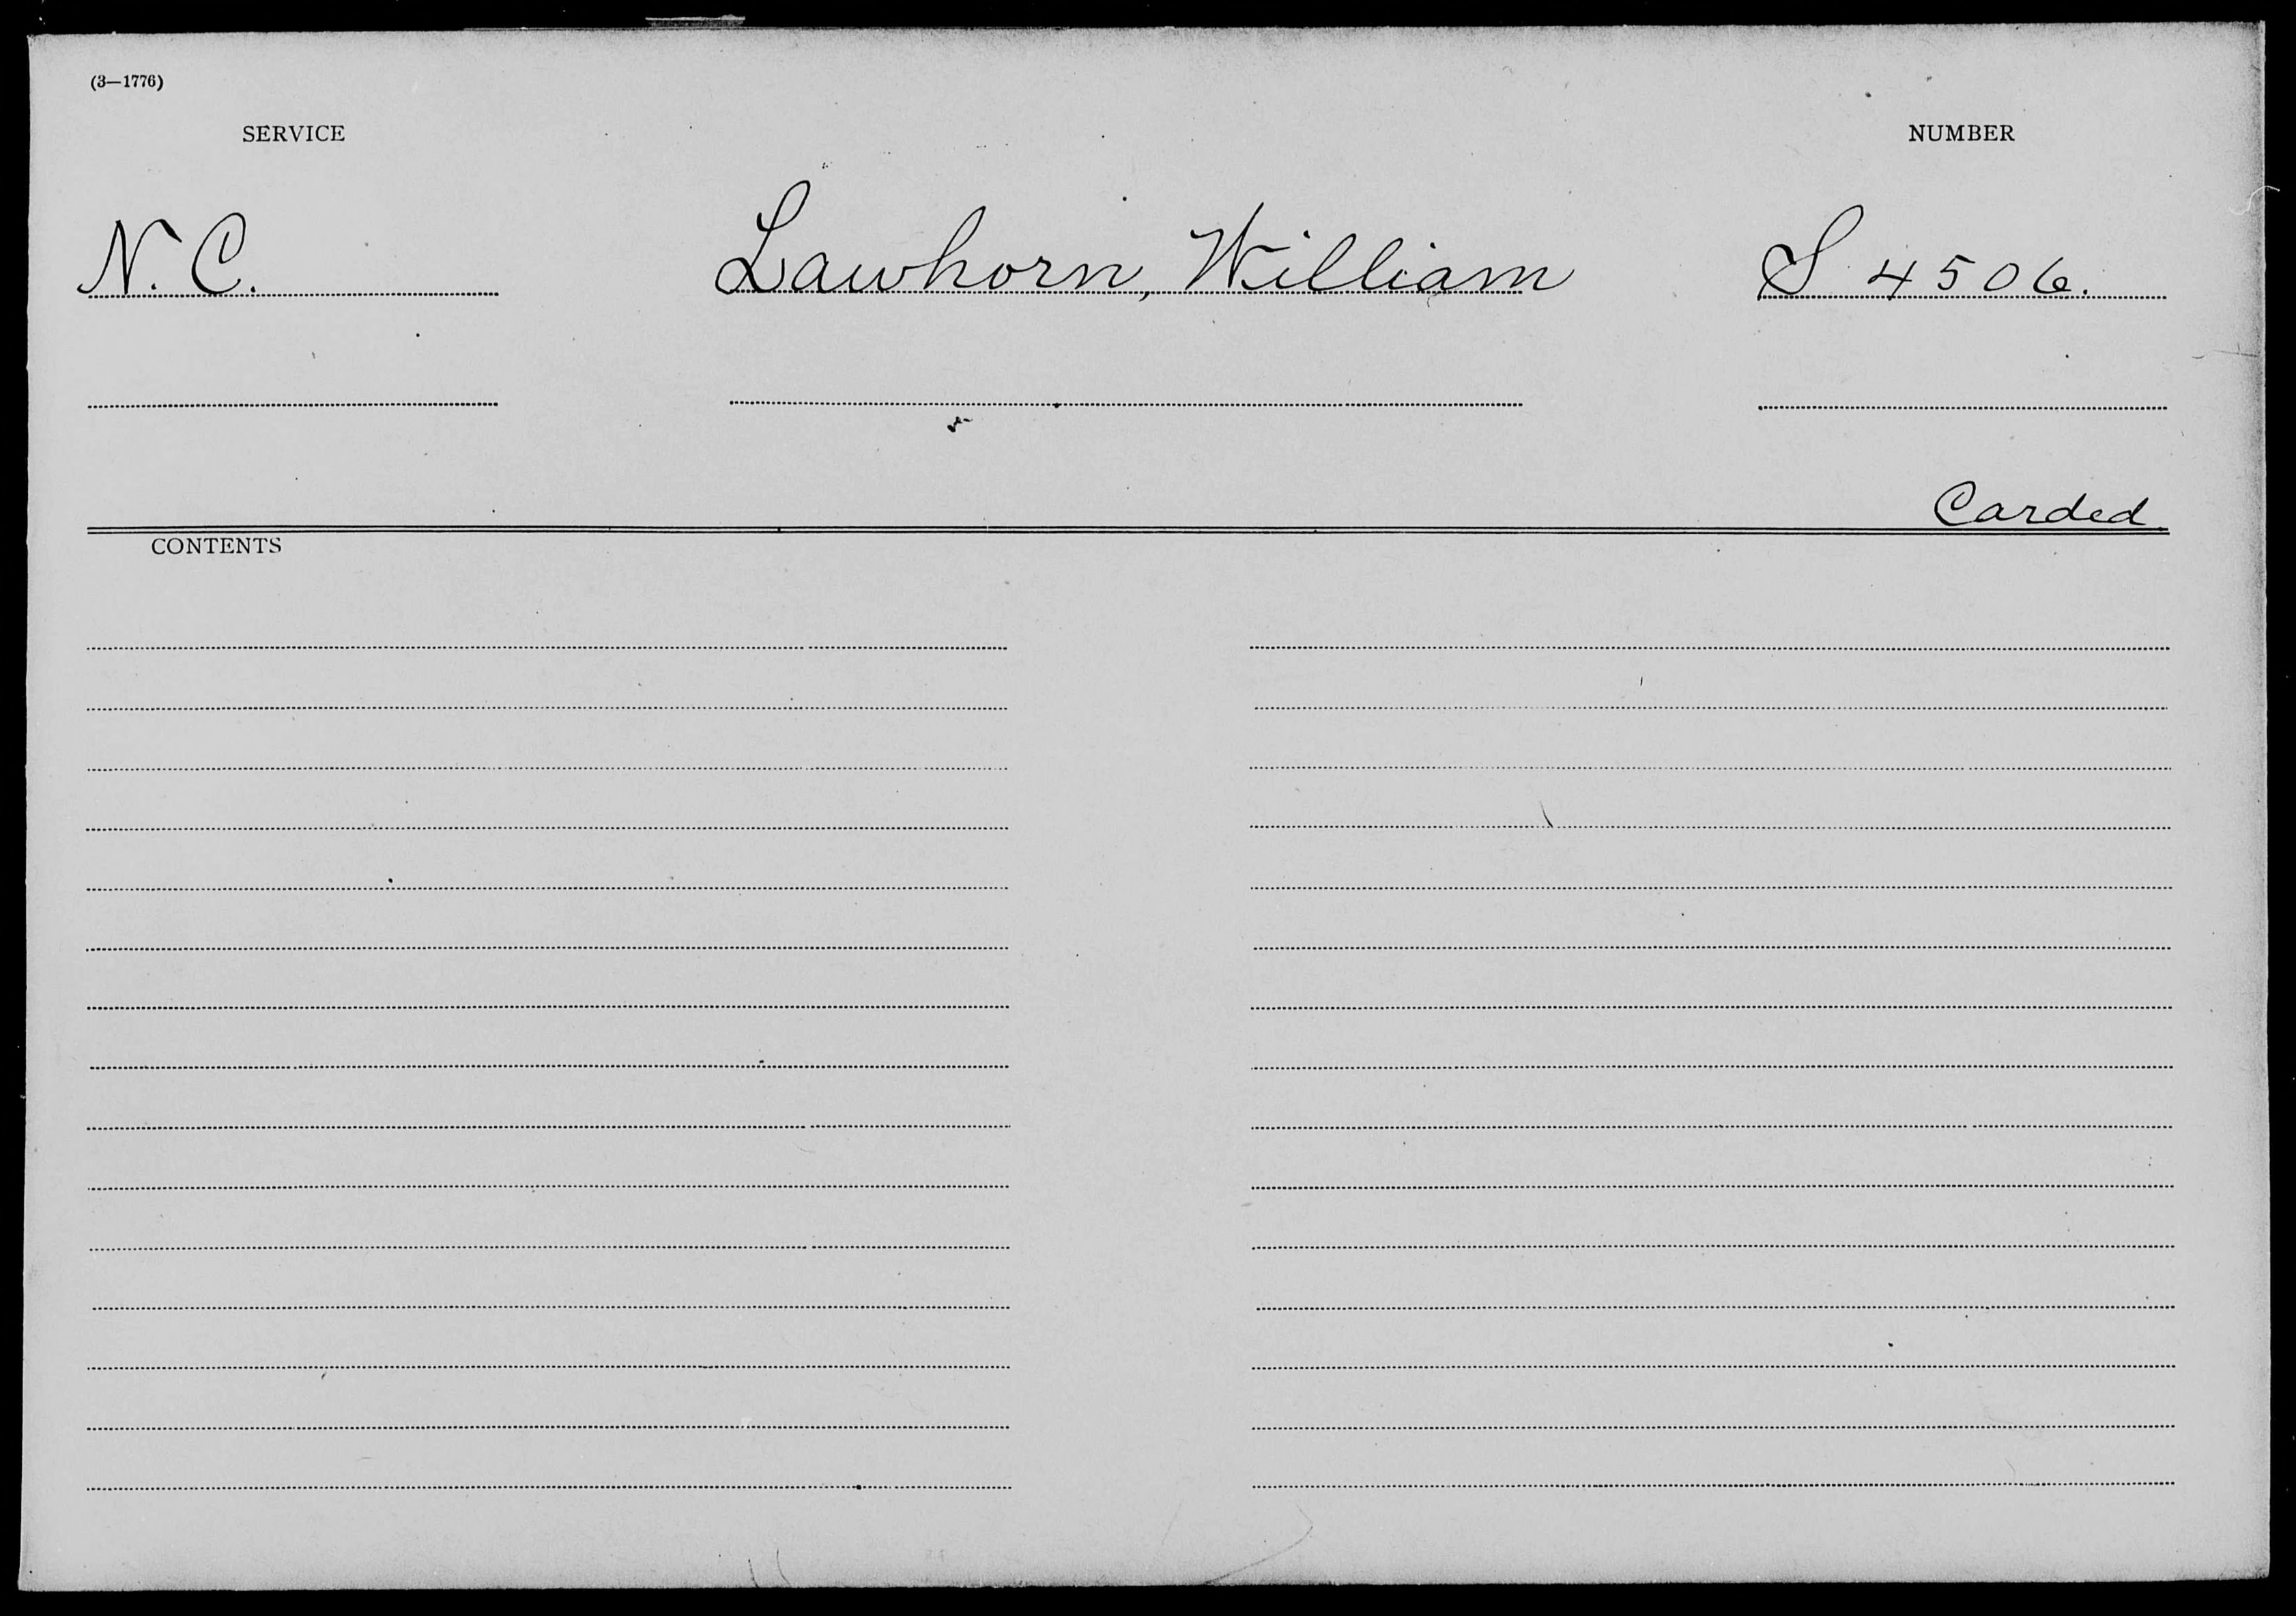SERVICE
N.C.

Lawhorn, William

NUMBER
S4506

Carded

CONTENTS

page: 1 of 16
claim: survivor's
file: S 4506, for William Lawhorn, North Carolina